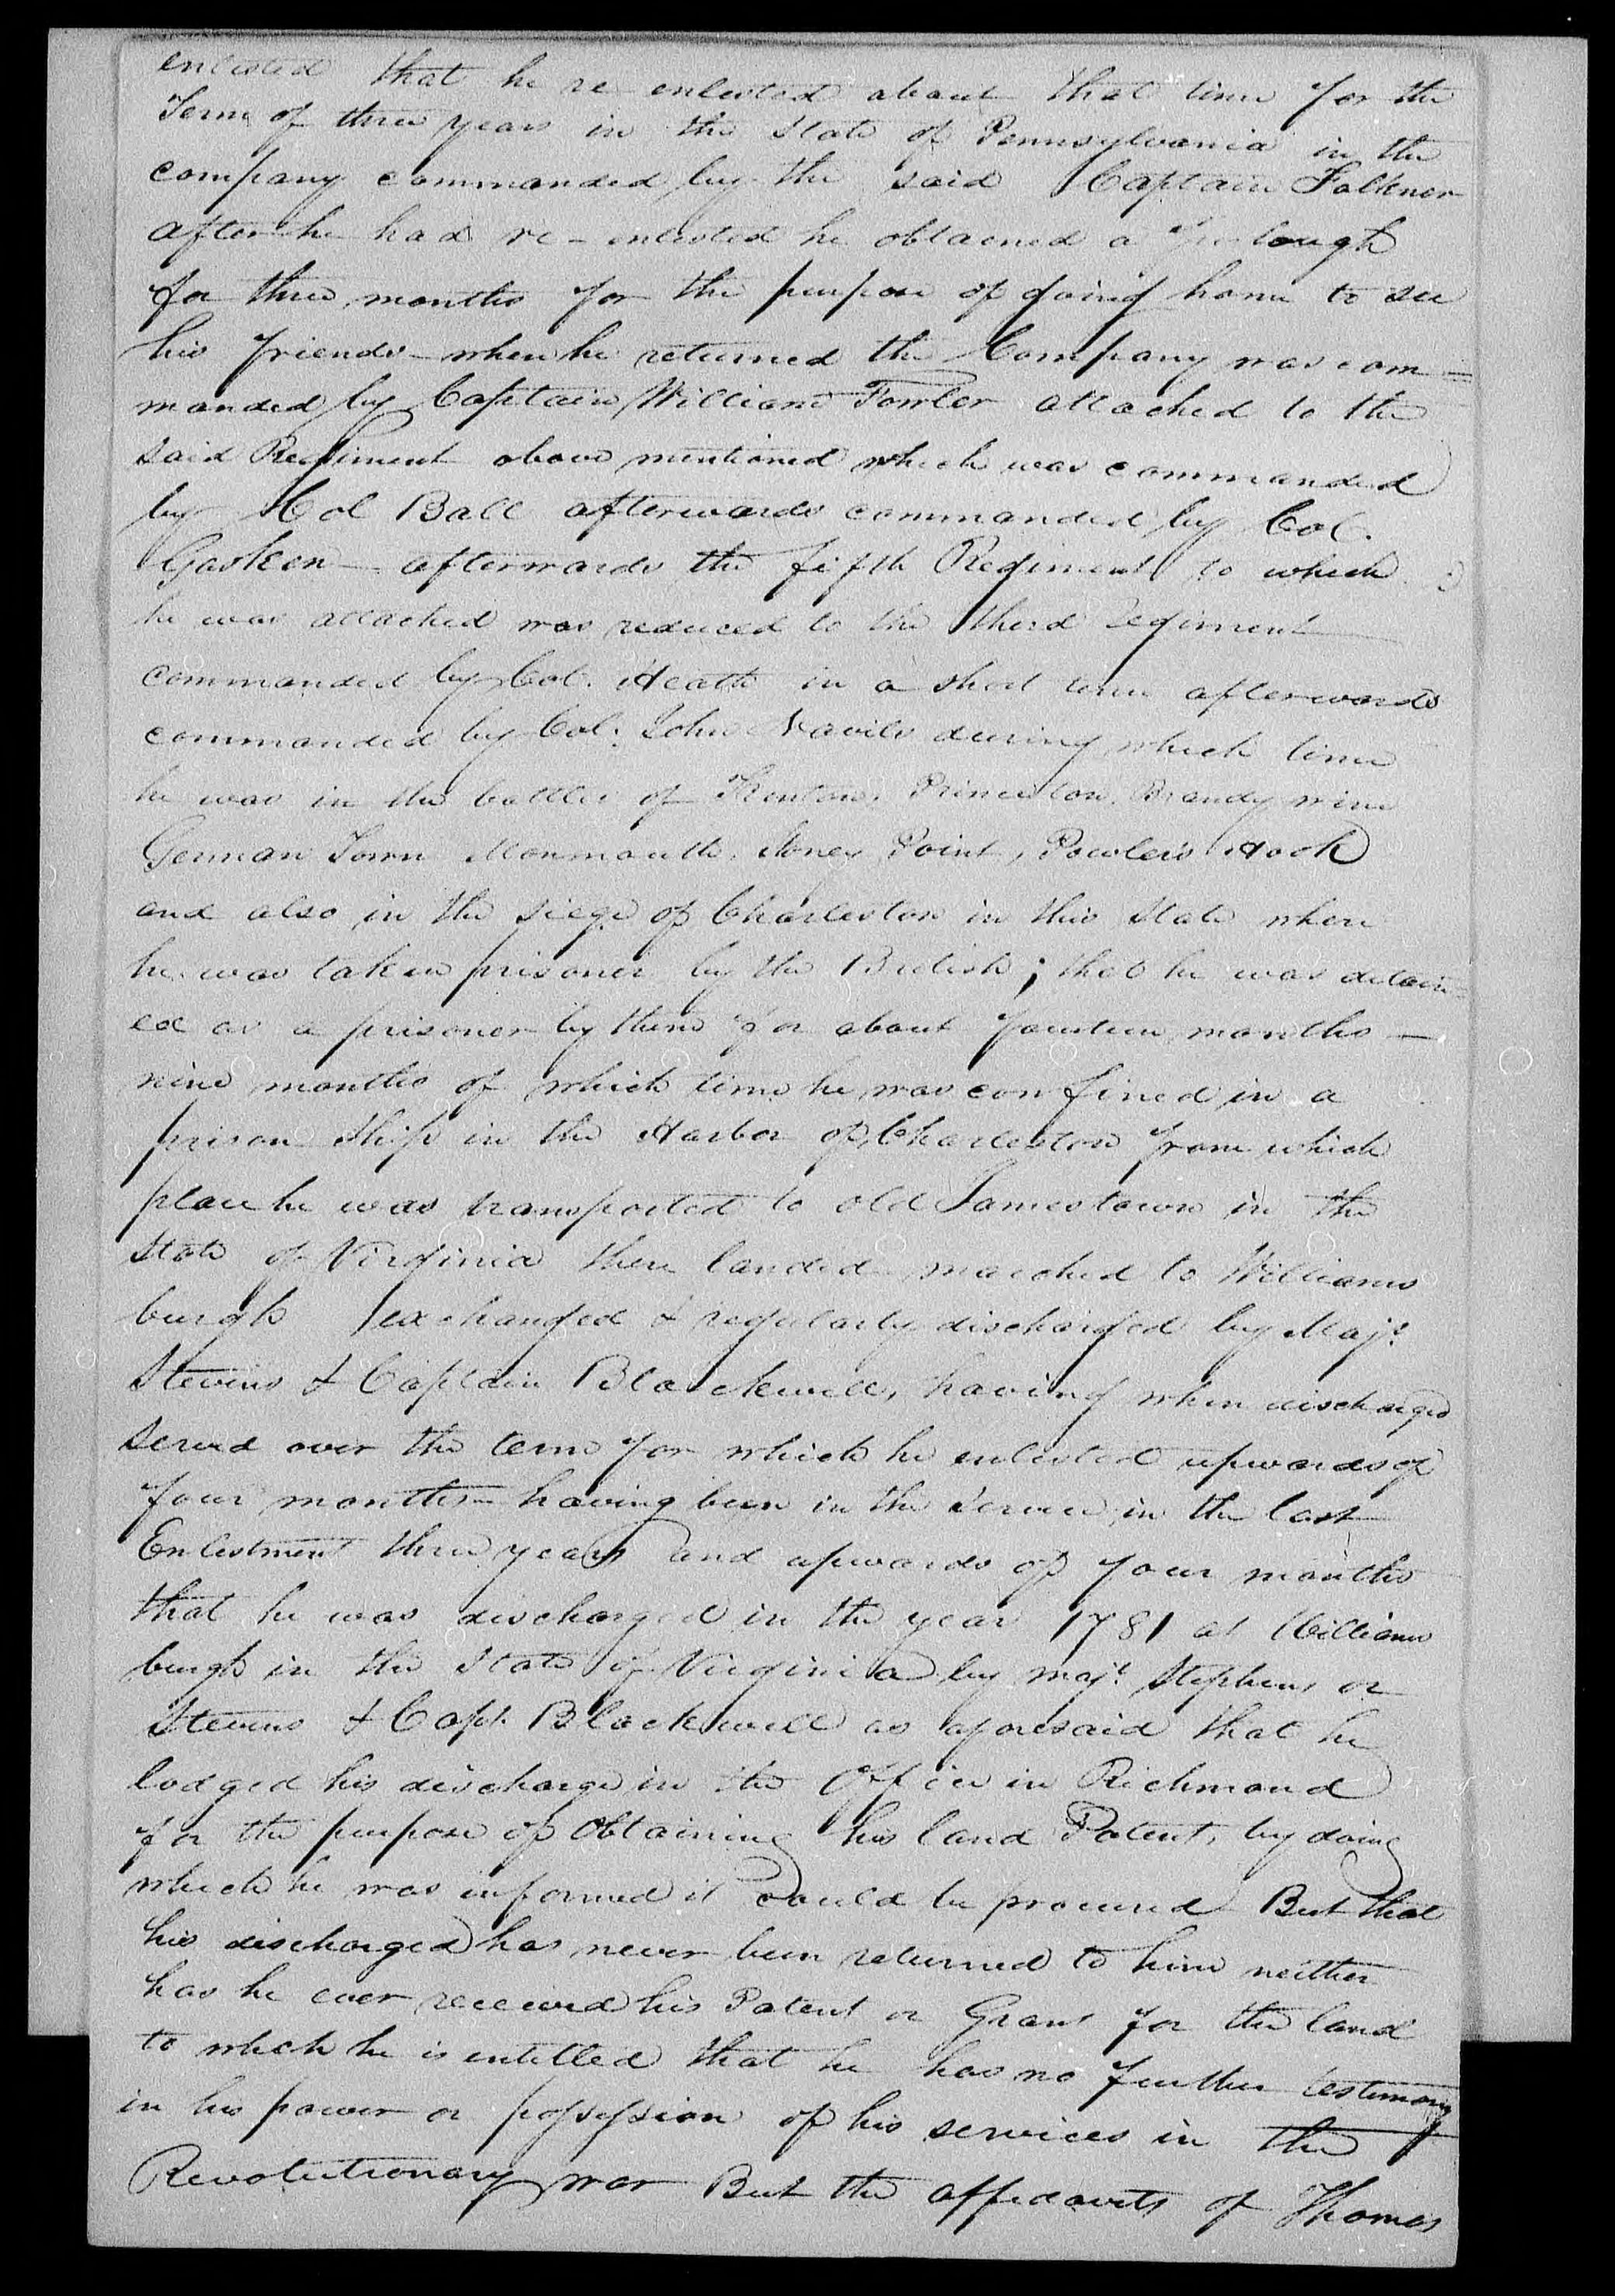enlisted that he re enlisted about that time for the Term of three years in the State of Pennsylvania in the Company Commanded by the said Captain Falkner After he had re-enlisted he obtained a furlough for three months for the purpose of going home to see his friends - when he returned the Company was commanded by Captain William Fowler attached to the said Regiment above mentioned which was commanded by Col Ball afterwards commanded by Col. Gasken - afterwards the fifth Regiment to which he was attached was reduced to the third regiment commanded by Col. Heath in a short term afterwards commanded by Col. John Nevile during which time he was in the battles of Trenton, Princeton, Brandywine German Town Monmouth Stoney Point, Powler's Hook and also, in the siege of Charleston in this State where he was taken prisoner by the British; that he was detained as a prisoner by them for about fourteen months - nine months of which time he was confined in a prison ship in the Harbor of Charleston from which place he was transported to old Jamestown in the State of Virginia then landed marched to Williamsburgh  exchanged & regularly discharged by Majs. Stevens & Captain Blackwell, having when discharged served over the term for which he enlisted upwards of four months - having been in the service, in the last Enlistment three years and upwards of four months that he was discharged in the year 1781 at Williamsburgh in the State of Virginia by Majr. Stephens or Stevens & Capt. Blackwell as aforesaid that he lodged his discharge in the Office in Richmond for the purpose of Obtaining the land Patent, by doing which he was informed it could be procured But that his discharge has never been returned to him neither has he ever received his Patent or Grant for the land to which he is entitled that he has no further testimony in his power or possession of his services in the Revolutionary War But the affidavits of Thomas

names: [BLANK] Ball; William Fowler; [BLANK] Blackwell; [BLANK] Stephens; [BLANK] Falkner; [BLANK] Gasker; Thomas [BLANK]; [BLANK] Heath; John Navils; [BLANK] Stevens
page: 7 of 9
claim: survivor's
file: S. 38896, for Robert Kimble, Virginia